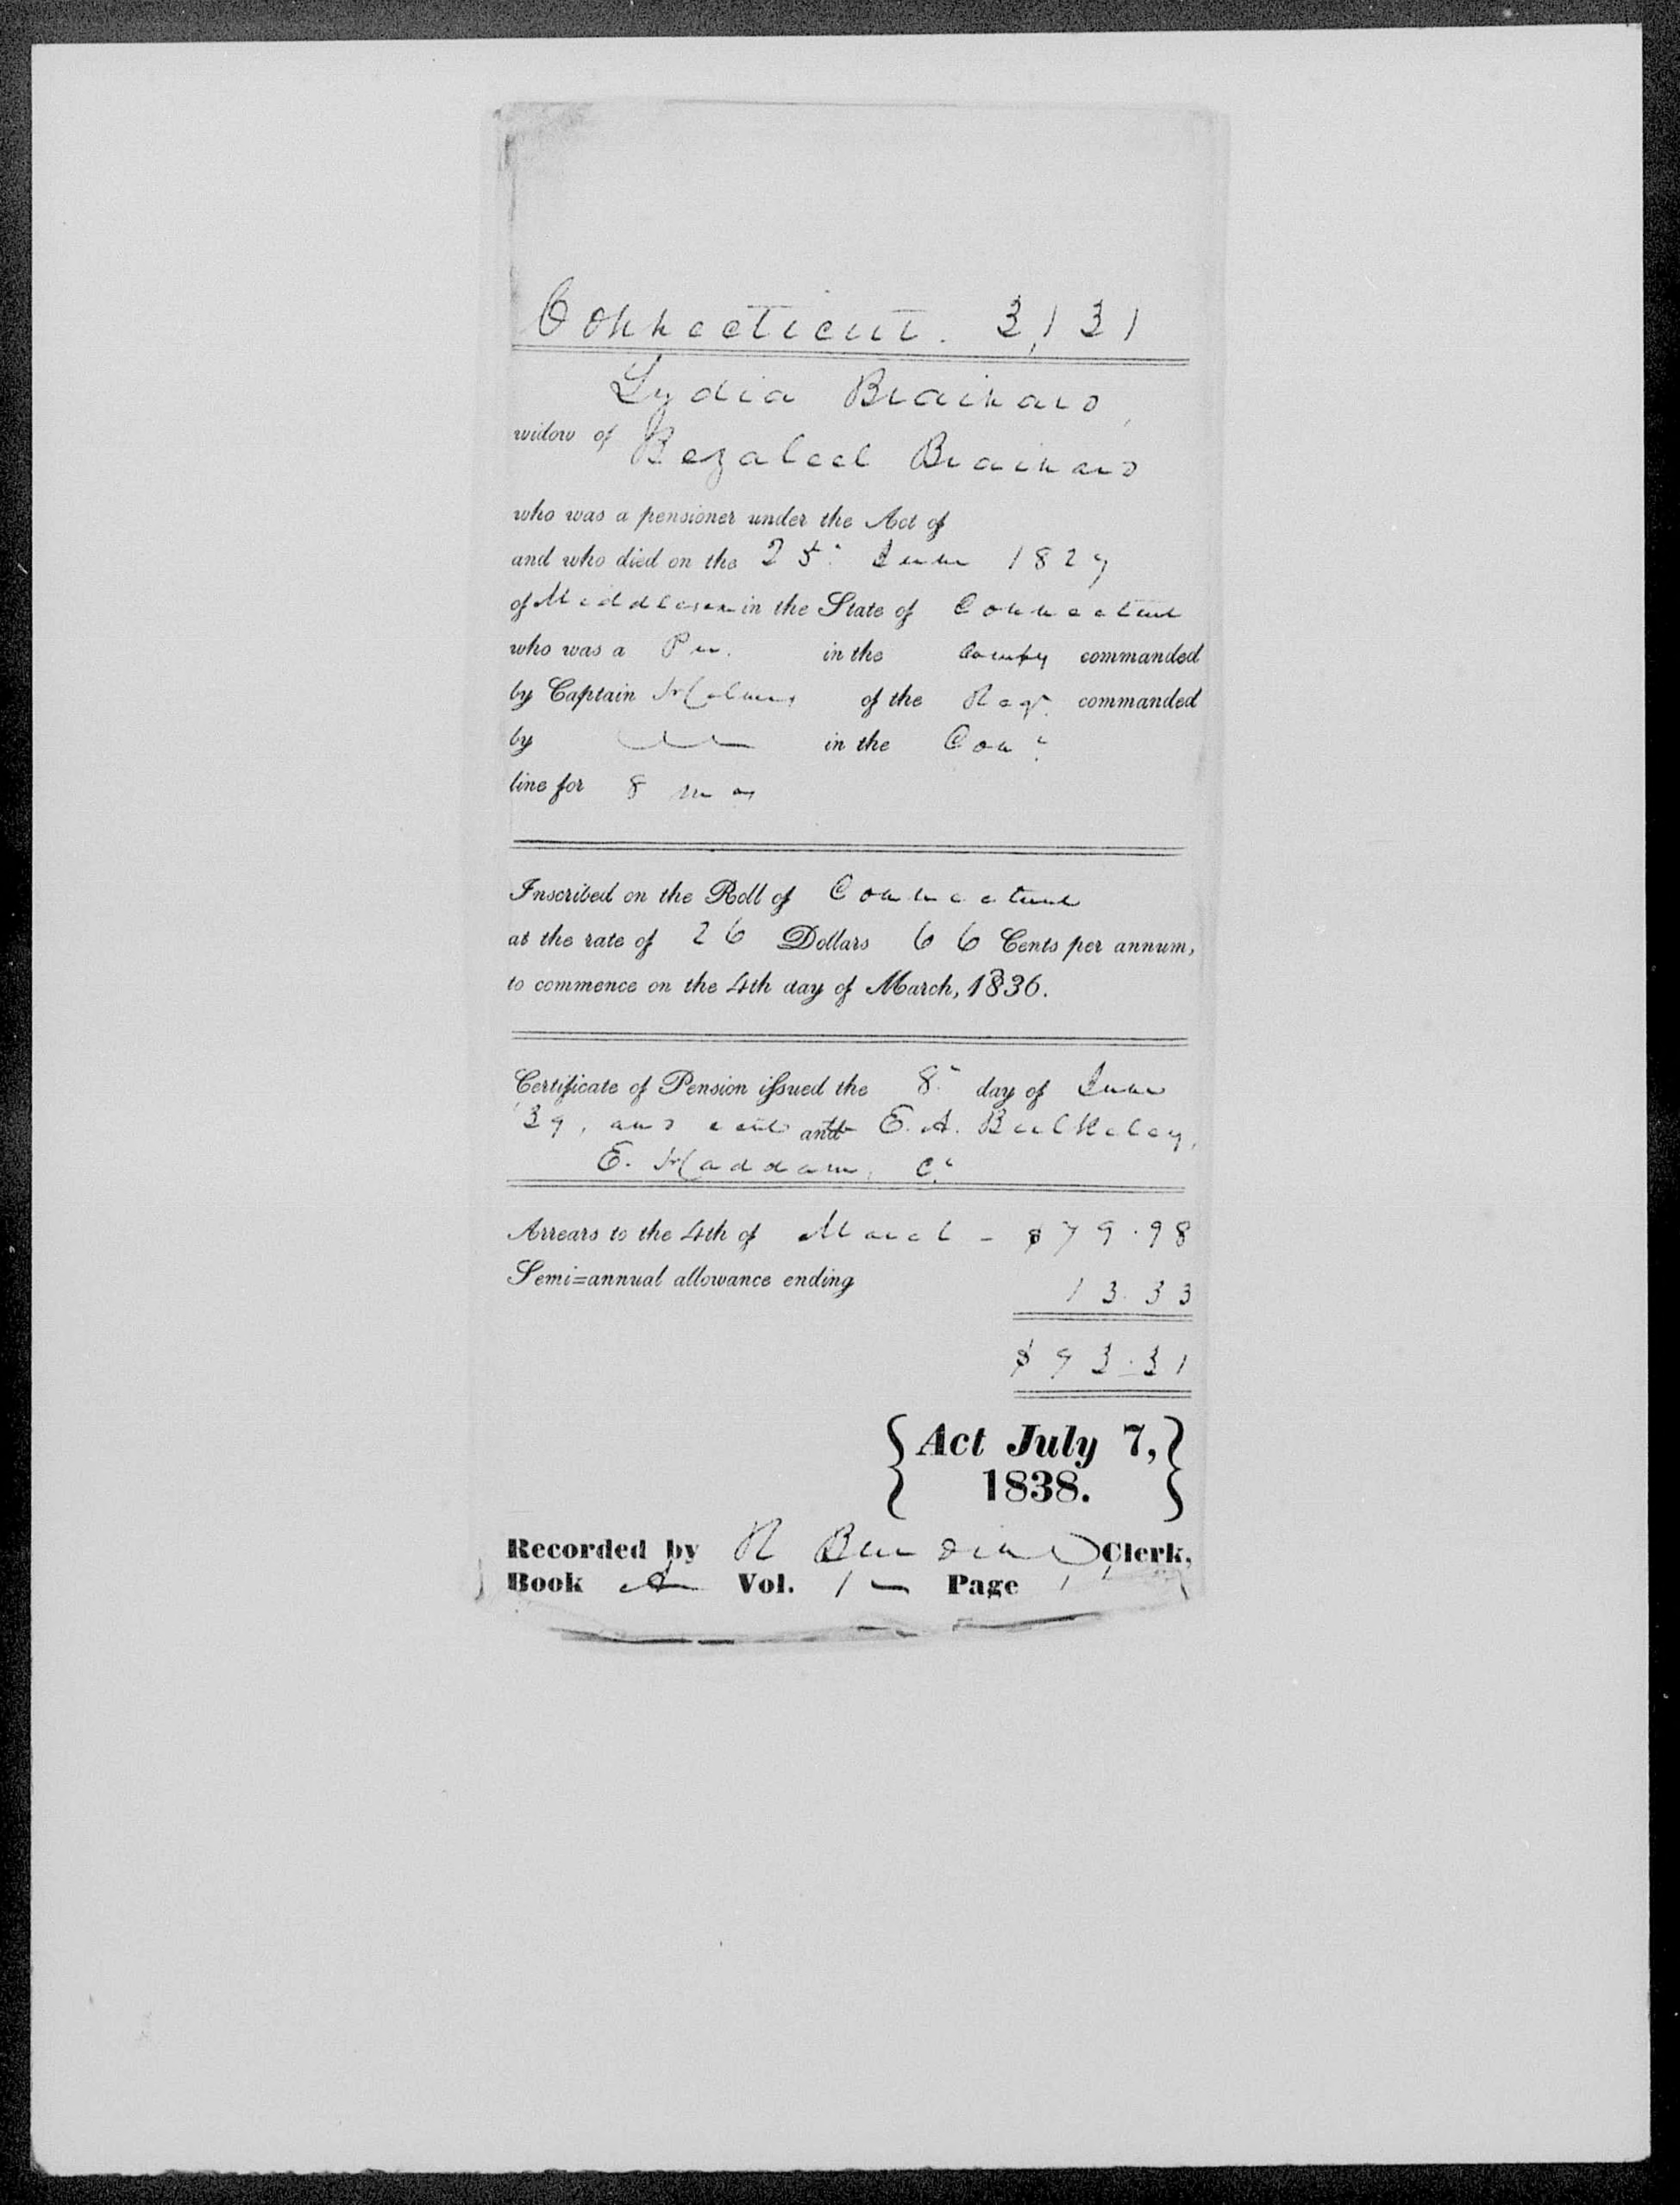Connecticut. 3121
Lydia Brainard
widow of Bezaleel Brainard
who was a pensioner under the Act of [blank] and who died on the 25 June 1827 of Middlesex in the State of Connecticut
who was a Priv. in the Compy commanded by Captain Holmes of the Reg commanded by [blank] in the Conn't line for 8 mos

Inscribed on the Roll of Connecticut at the rate of 26 Dollars 66 Cents per annum, to commence on the 4th day of March, 1836.

Certificate of Pension issued the 8 day of Jan '39, and sent to E. A. Bulkeley
E. Haddam, Ct

Arrears to the 4th of March - $79.98
Semi-annual allowance ending 13.33
$93.31
{Act July 7, 1838.}
Recorded by R BendialClerk,
Book A Vol. 1 Page [obscured]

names: R Burdine, Bezaleel Brainard, Holmes, E A Bulkeley, Lydia Brainard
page: 9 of 25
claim: widow's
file: W. 23,671, Bezaleel Brainard, Conn.